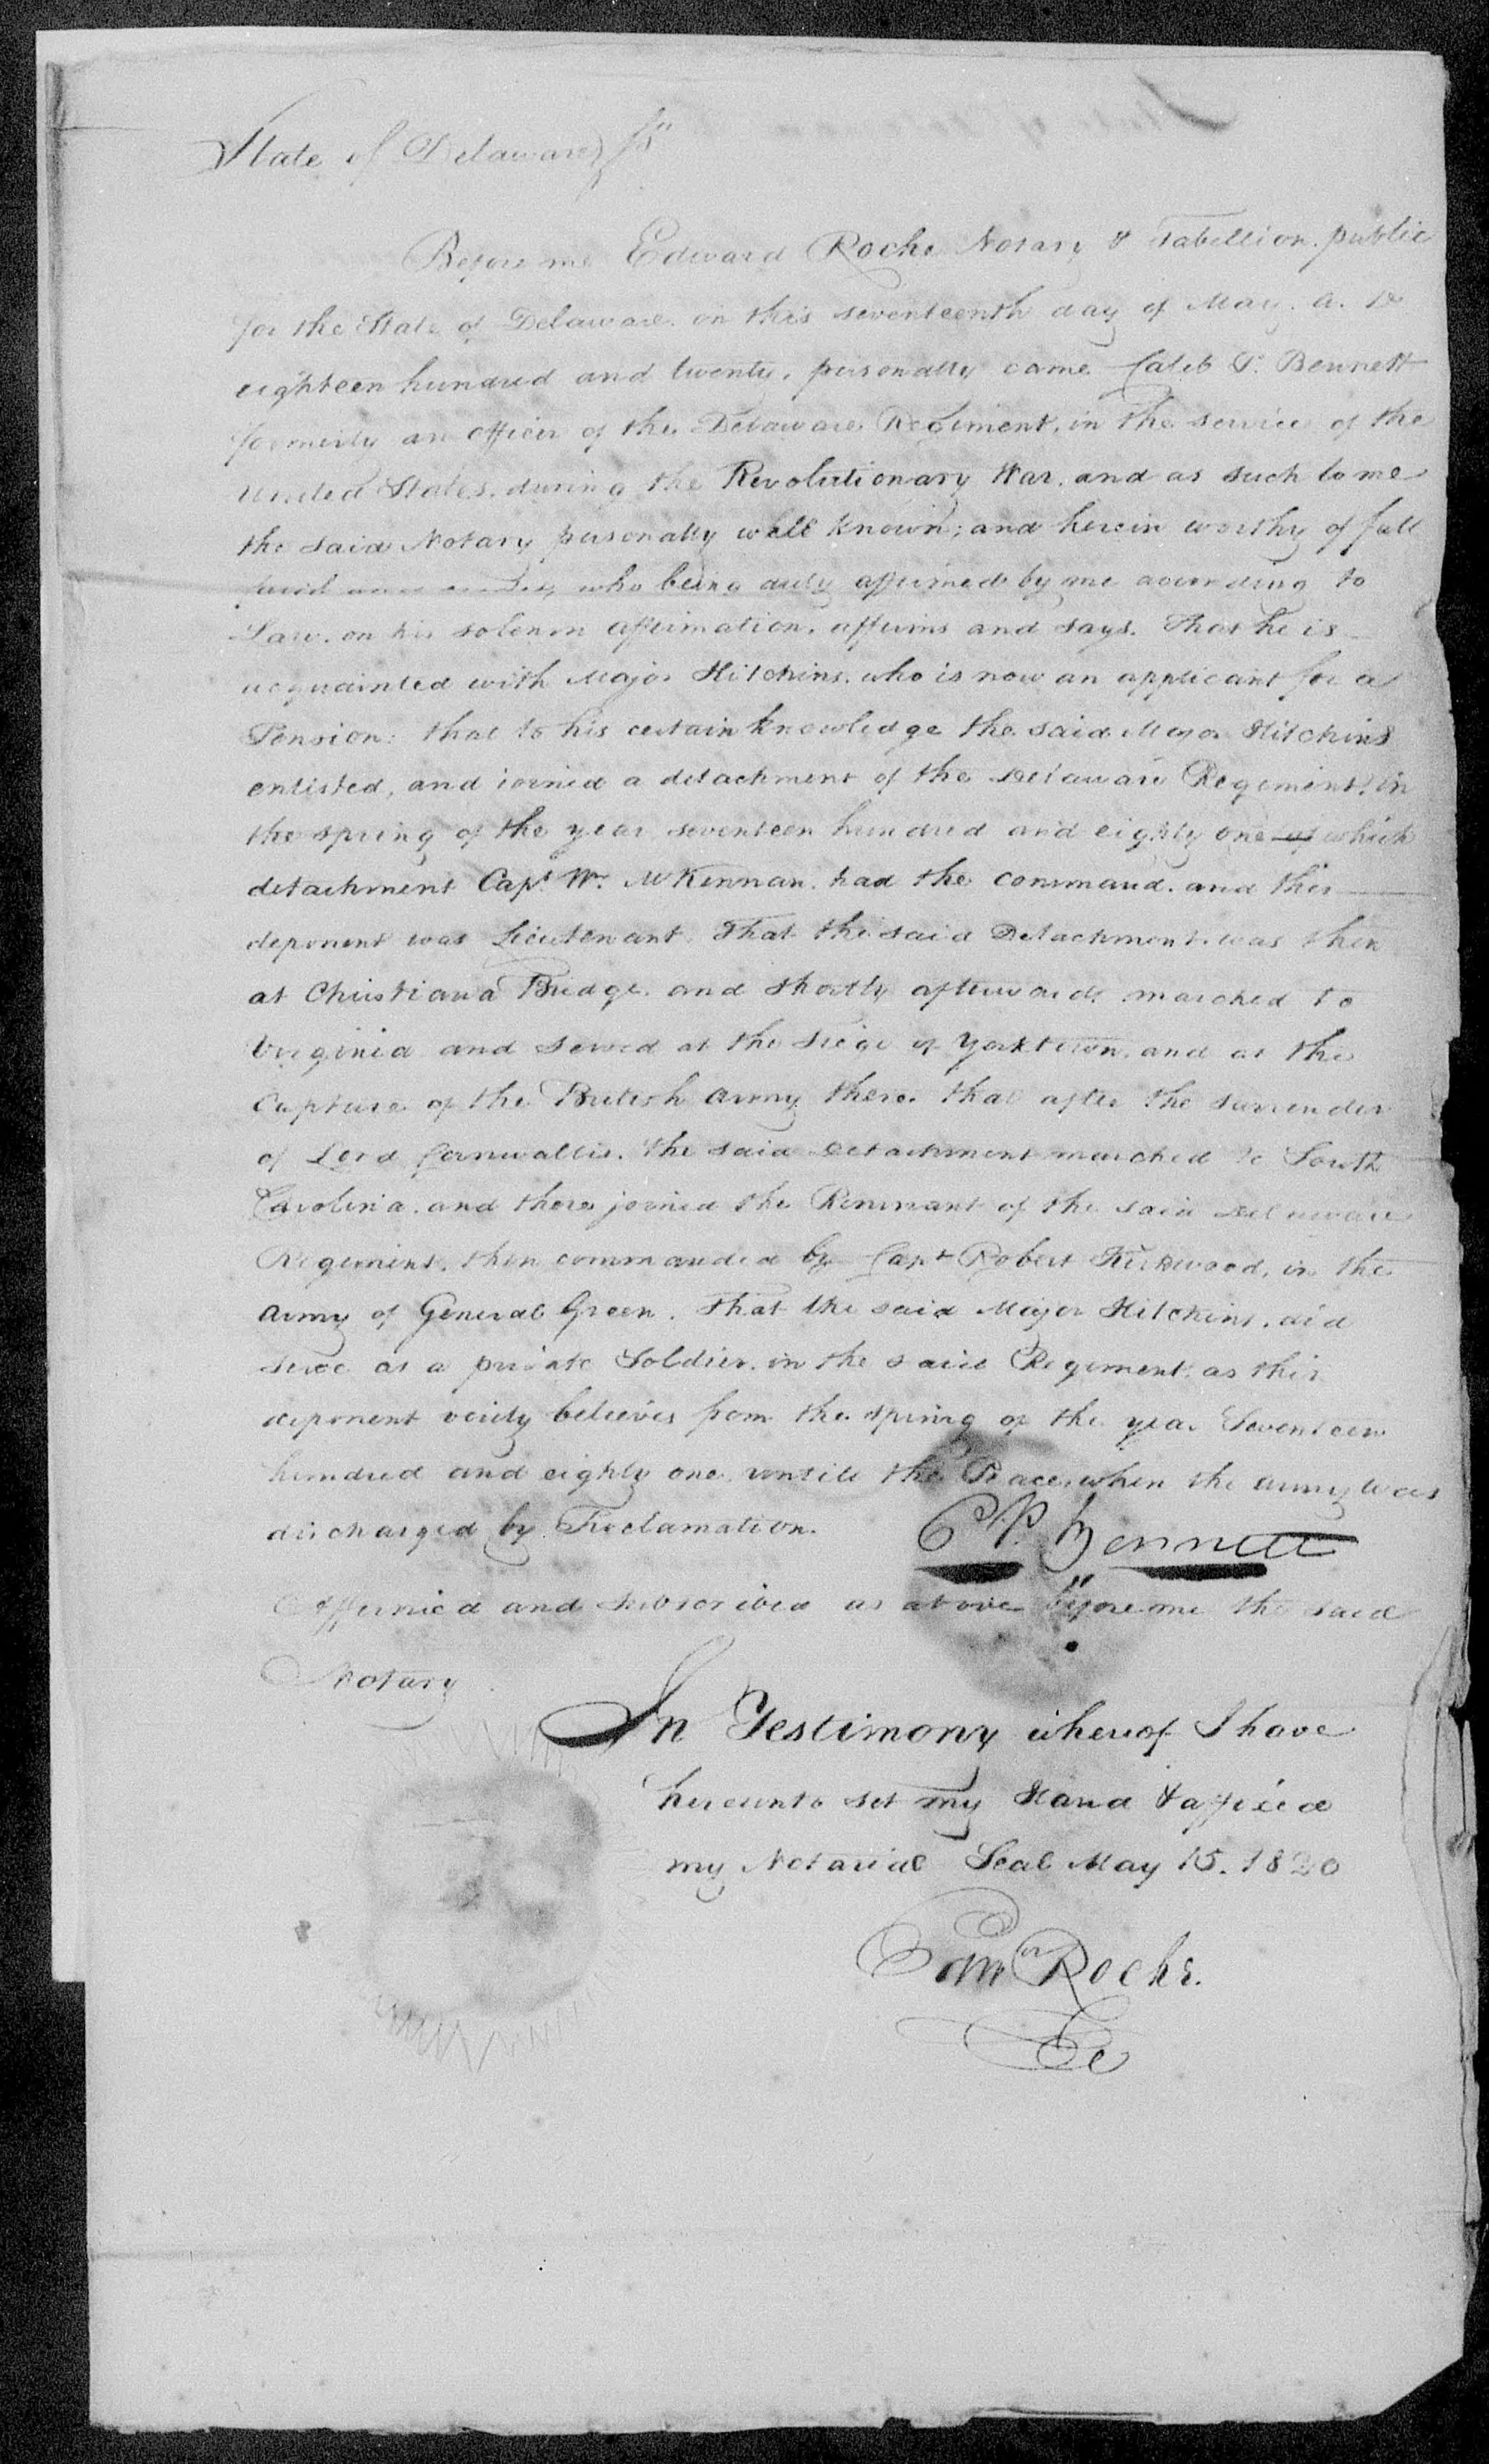State of Delaware

Before me Edward Rocke notary and tabellion public for the State of Delaware on the seventeenth day of May a.d. eighteen hundred and twenty, personally came Caleb P. Bennett formerly an officer of the Delaware Regiment in the service of the United States during the Revolutionary War. And as such to me the said notary personally well known and herein worthy of full faith was [illegible], who being duly examined by me according to Law and on his solemn affirmation, affirms and says. That he is acquainted with Major Hitchens, who is now an applicant for a pension. That to his certain knowledge the said Major Hitchens enlisted, and joined a detachment of the Delaware Regiment, in the spring of the year seventeen hundred and eighty one which detachment Capt. W., McKennan had the command and this deponent was Lieutenant. That the said detachment was then at Christiana Bridge and shortly thereafter marched to Virginia and served at the siege of Yorktown and at the capture of the British army there. That after the surrender of Lord Cornwallis, the said detachment marched to South Carolina and there joined the remnant of the said Delaware Regiment. Then commanded by Capt. Robert Kirkwood, in the army of General Green. That the said Major Hitchens, did serve as a private solder, in the said regiment as this deponent verily believes, from the spring of the year seventeen hundred and eighty one until the peace, when the army was discharged by proclamation.

(signed) C.P. Bennett

Affirmed and subscribed as at one before me the said notary.

In testimony whereof I have hereunto set my hand & affixed my notarial seal May 15, 1820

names: Major Hitchins, Green, Edw Roche, Edward Roche, Caleb P Bennett, Wm Mc Kennan, C P Bennett, Major Hitchins, Robert Kirkwood, Major Hitchens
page: 17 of 21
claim: survivor's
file: S. 36017, Major Hitchens, Del.